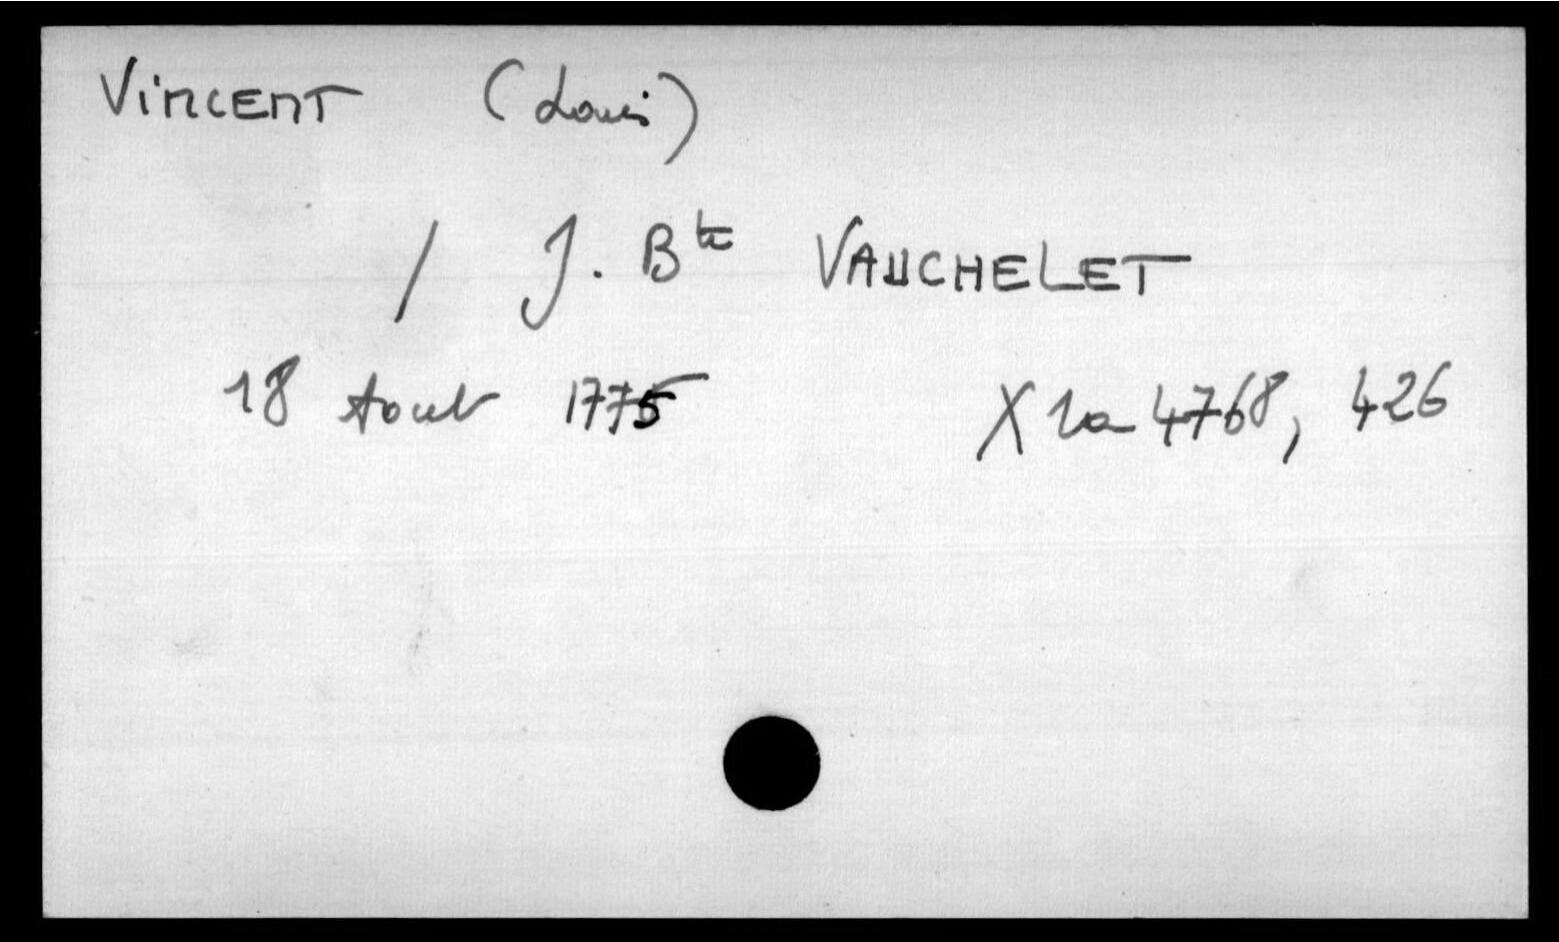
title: VINCENT (Louis)
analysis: Contre Jean-Baptiste VAUCHELET
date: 18 août 1775
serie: X1a
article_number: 4768
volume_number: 426
